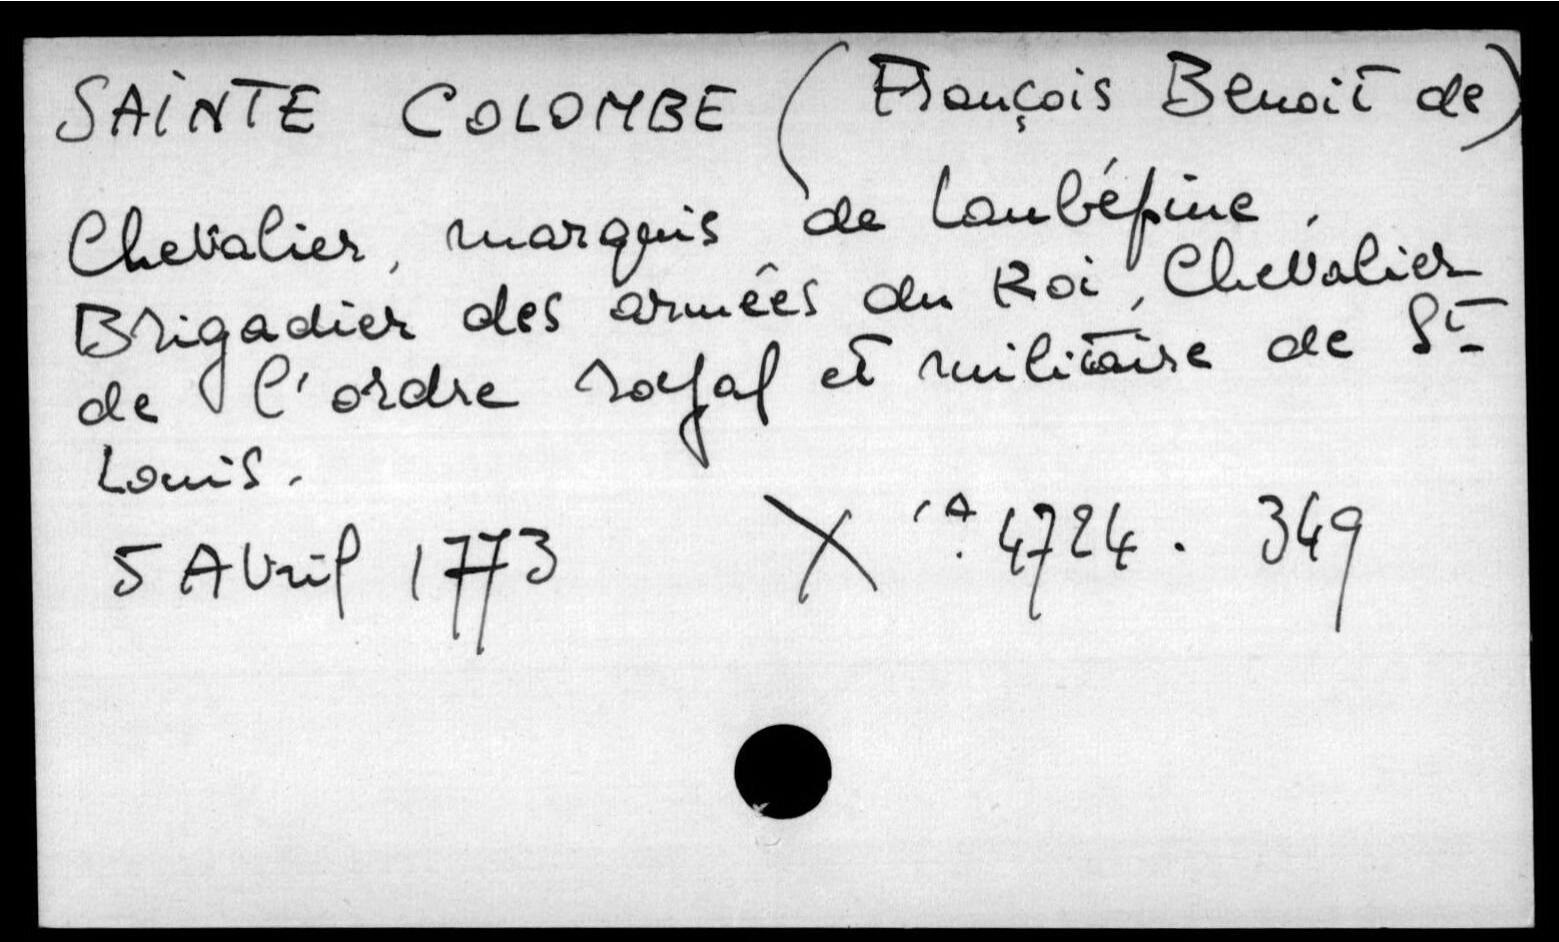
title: SAINTE COLOMBE (François Benoît de) Chevalier, marquis de Laubépine, Brigadier des armées du Roi, chevalier de l'ordre royal et militaire de Saint-Louis.
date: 5 avril 1773
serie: X1A
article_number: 4724
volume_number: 349
